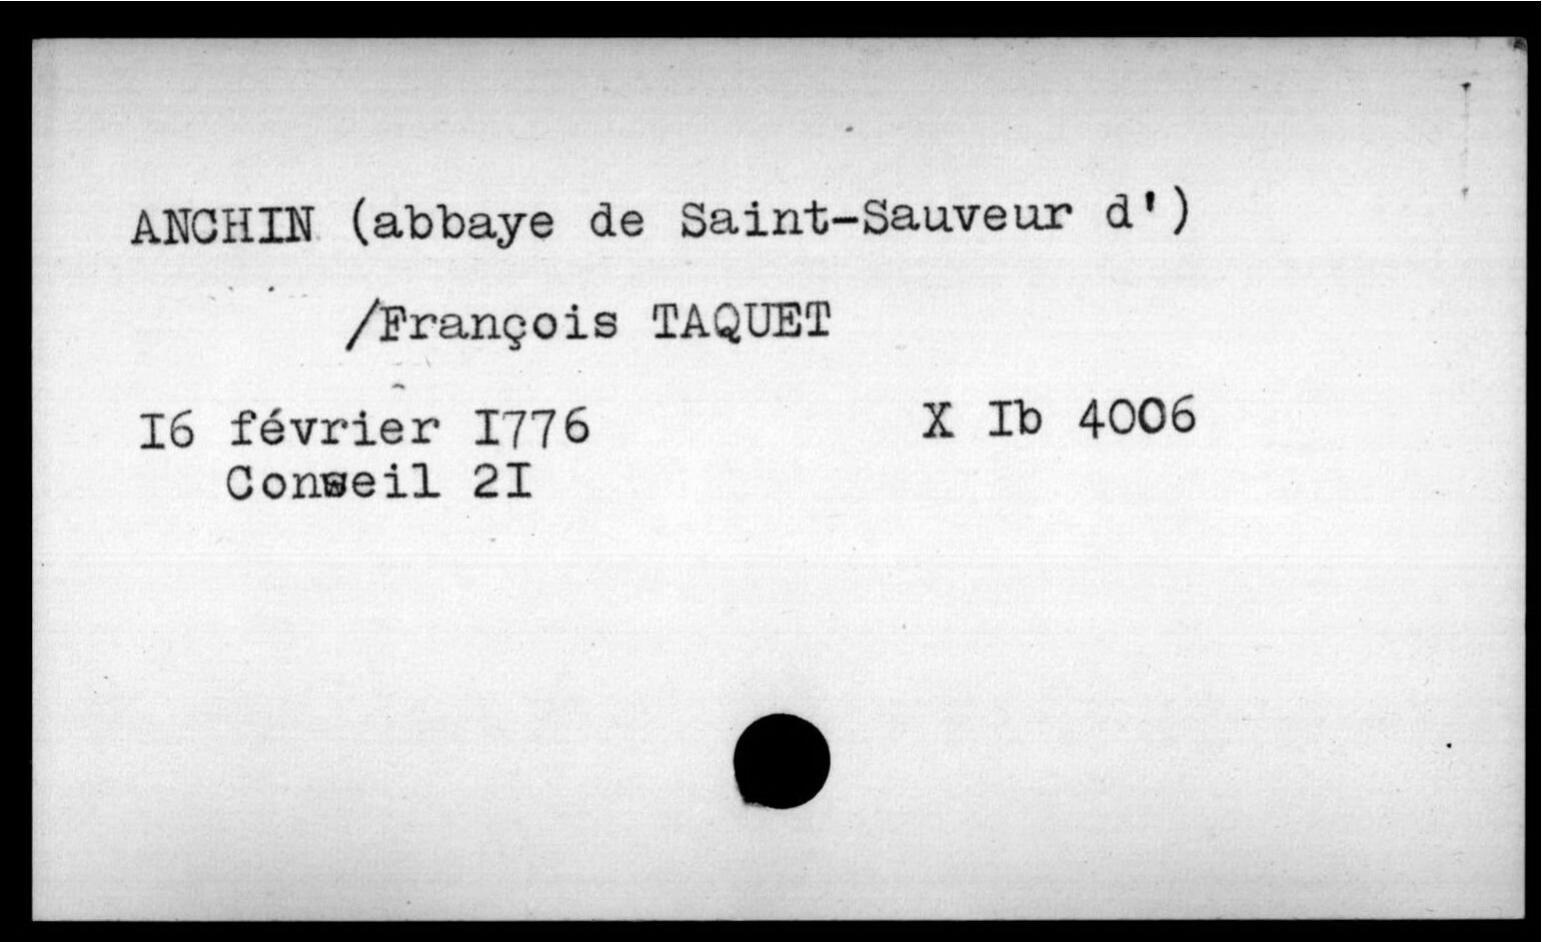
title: ANCHIN (abbaye de Saint-Sauveur d')
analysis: Contre François TAQUET
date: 16 février 1776
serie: X1b
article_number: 4006
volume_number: Conseil 21
